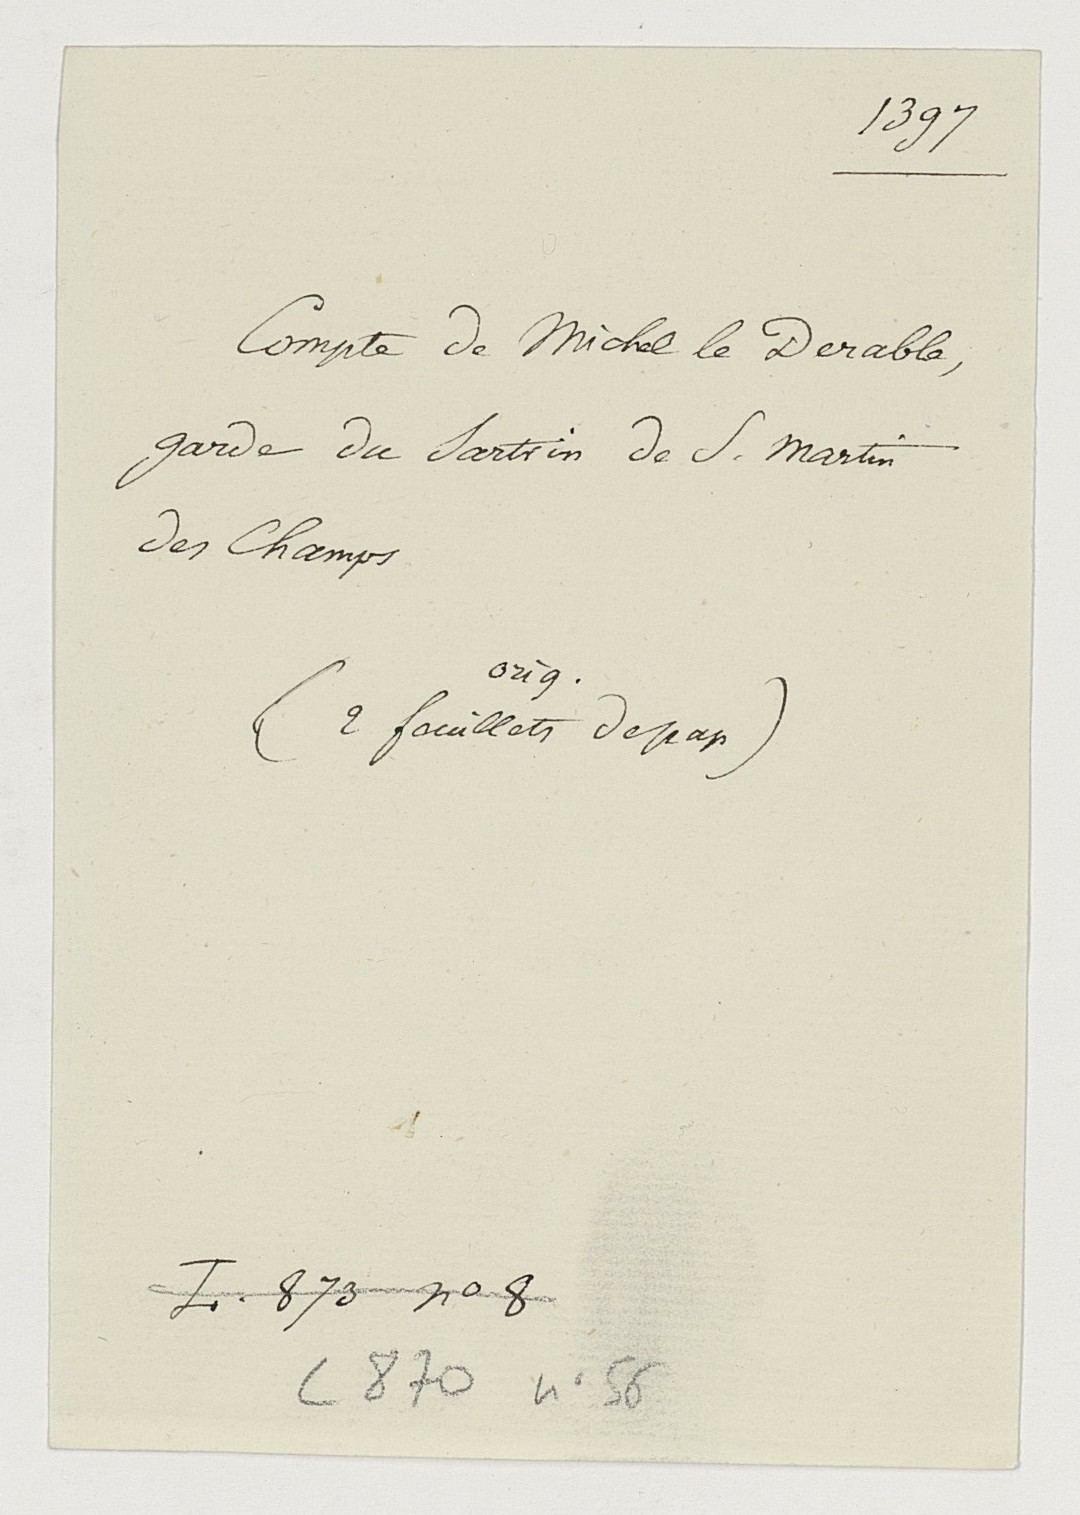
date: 1397
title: Compte de Michel le Derable, garde du Jartrin de Saint-Martin des Champs
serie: L
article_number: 870
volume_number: n° 56
